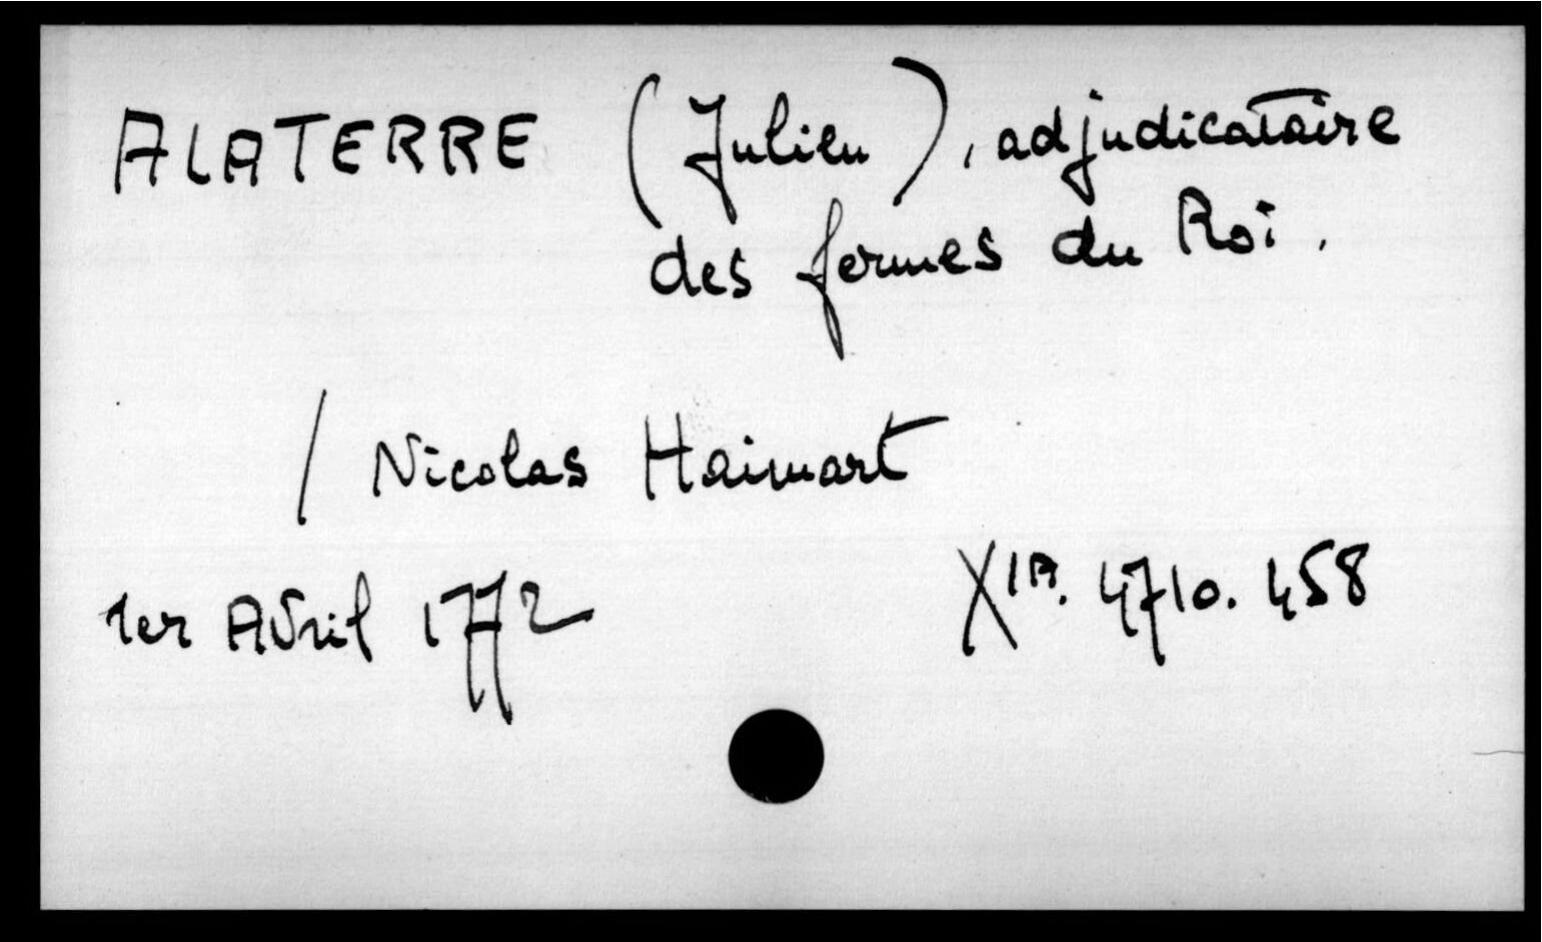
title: ALATERRE (Julien), adjudicataire des fermes du Roi.
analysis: Contre Nicolas Haimart
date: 1 avril 1772
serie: X1A
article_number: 4710
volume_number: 458
